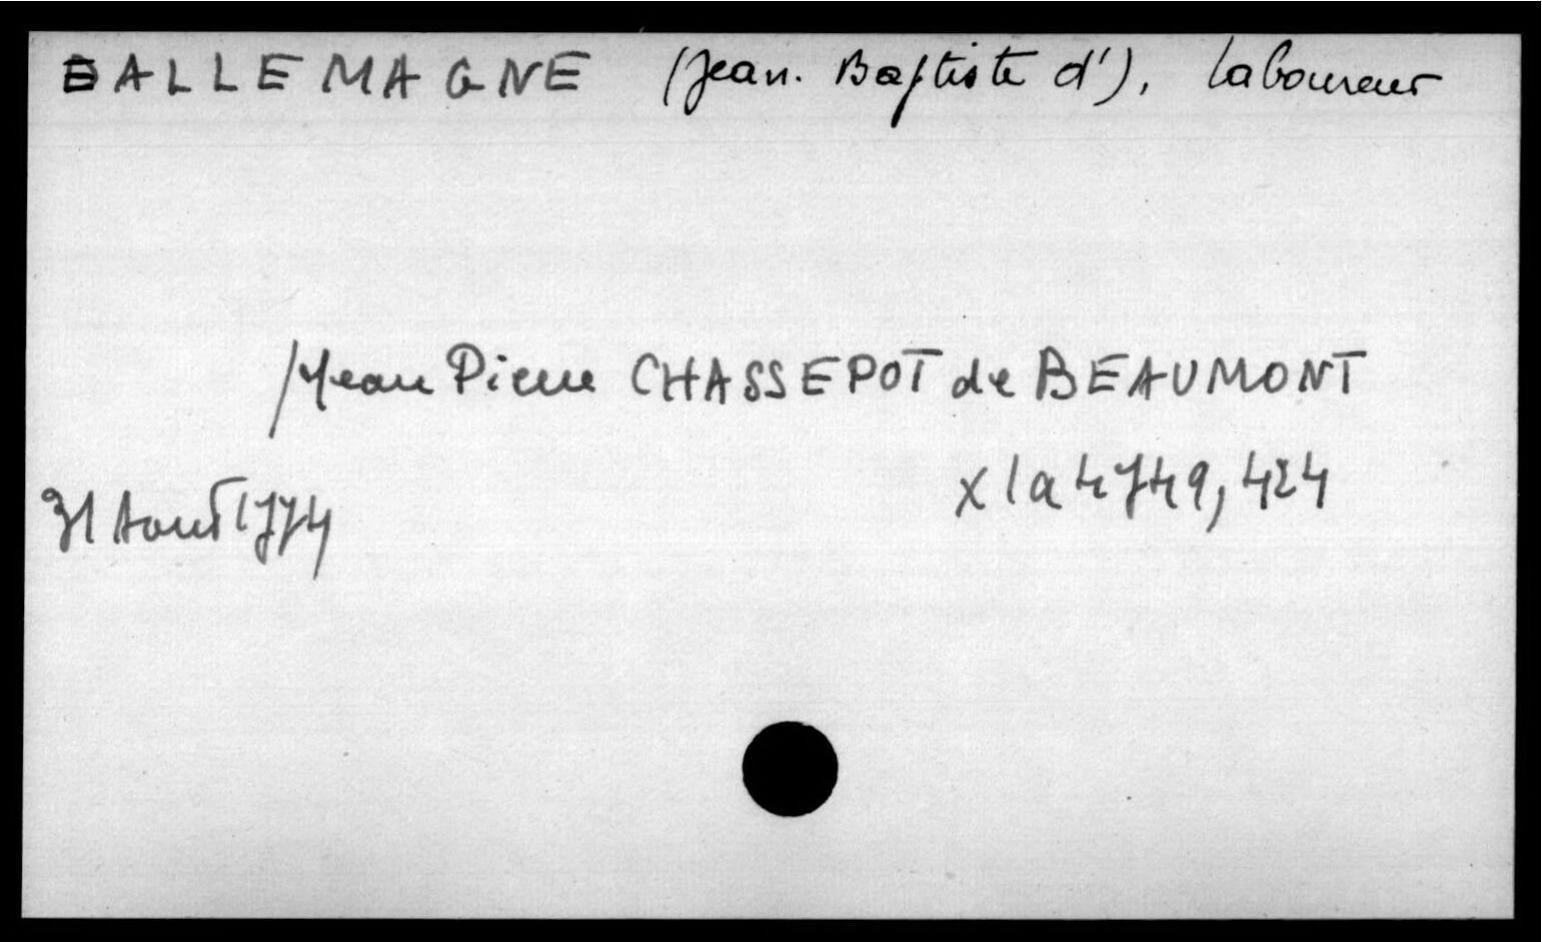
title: BALLEMAGNE (Jean-Baptiste d'), laboureur
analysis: Contre Jean Pierre CHASSEPOT de BEAUMONT
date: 31 août 1774
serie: X1a
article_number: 4749
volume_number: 424
